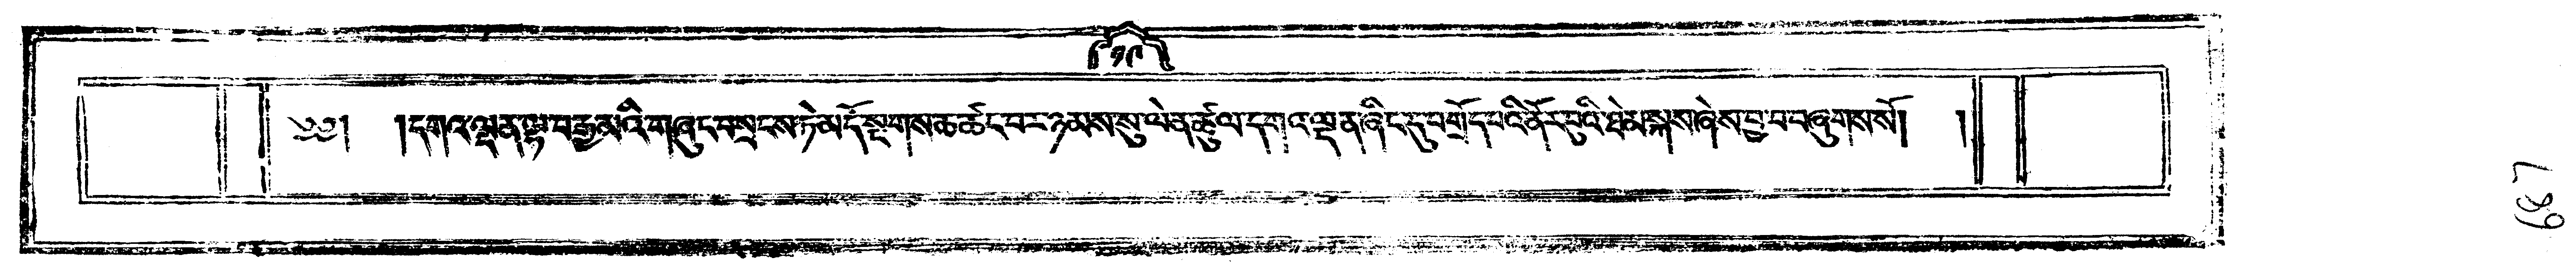༄༅། །དགའ་ལྡན་ལྟ་བརྒྱ་མའི་གཞུང་བསྲངས་ཏེ་མདོ་སྔགས་ཆ་ཚང་བར་ཉམས་སུ་ལེན་ཚུལ་དགའ་ལྡན་ཞིང་དུ་བགྲོད་པའི་ནོར་བུའི་ཐེམ་སྐས་ཞེས་བྱ་བ་བཞུགས་སོ། །